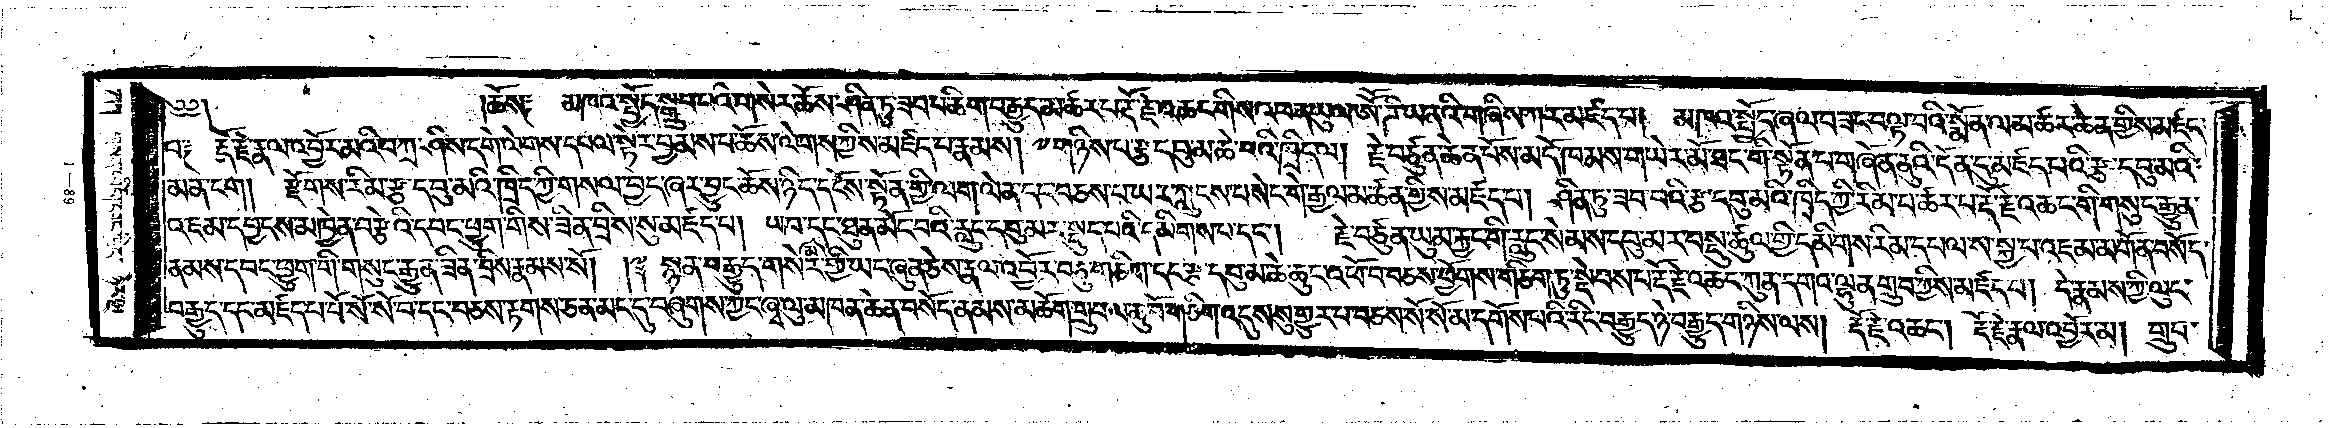༄༅། །ཆོས༑ མཁའ་སྤྱོད་སྒྲུབ་པའི་གསེར་ཆོས་ཤིན་ཏུ་ཟབ་པ་ཚིག་བརྒྱུད་མཚར་པ་རྡོ་རྗེ་འཆང་གིས་འཕན་ཡུལ་ཨཽ་ཌི་ཡ་ནའི་གཞིས་ཀར་མཛད་པ། མཁའ་སྤྱོད་ཞལ་བཟང་བལྟ་བའི་སྨོན་ལམ་ཚར་ཆེན་གྱིས་མཛད་
པ༑ རྡོ་རྗེ་རྣལ་འབྱོར་མའི་བཀྲ་ཤིས་དགེ་ལེགས་དཔལ་སྟེར་བྱམས་པ་ཆོས་ལེགས་ཀྱིས་མཛད་པ་རྣམས། ༧གཉིས་པ་ཙ་དབུ་མ་ཆེ་བའི་ཁྲིད་ལ། རྗེ་བཙུན་ཆེན་པོས་མདོ་ཁམས་གཡེར་མོ་ཐང་གིས་ཏོན་པ་གཞོན་ནུའི་དོན་དུ་མཛད་པའི་རྩ་དབུ་མའི་
མན་ངག། རྫོགས་རིམ་རྩ་དབུ་མའི་ཁྲིད་ཀྱི་གསལ་བྱེད་ཞར་བྱུང་ཆོས་ཉིད་དངོས་སྟོན་གྱི་ལག་ལེན་དང་བཅས་པ་ཡར་ཀླུངས་པ་སེང་གེ་རྒྱལ་མཚན་གྱིས་མཛད་པ། ཤིན་ཏུ་ཟབ་པའི་རྩ་དབུ་མའི་ཁྲིད་ཀྱི་རིམ་པ་ཚར་པ་རྡོ་རྗེ་འཆང་གི་གསུང་རྒྱུན་
འཇམ་དབྱངས་མཁྱེན་བརྩེ་དབང་ཕྱུག་གིས་ཟིན་བྲིས་སུ་མཛད་པ། ཡབ་དང་ཐུན་མོང་བའི་རླུང་དབུ་མར་སྡུད་པའི་དམིགས་པ་དང་། རྗེ་བཙུན་ཡུམ་རྐྱང་གི་རླུང་སེམས་དབུ་མར་བསྡུ་ཚུལ་གྱི་དམིགས་རིམ་དཔལ་ས་སྐྱ་བ་འཇམ་མགོན་བསོད་
ནམས་དབང་ཕྱུག་གི་གསུང་རྒྱུན་ཟིན་བྲིས་རྣམས་སོ། །འ་སྙན་བརྒྱུད་གསེར་གྱི་ཡང་ཞུན་ཅེས་རྣལ་འབྱོར་བཅུ་གཅིག་དང་རྩ་དབུ་མ་ཆེ་ཆུང་འཕོ་བ་བཅས་ཕྱོགས་གཅིག་ཏུ་སྡེབས་པ་རྡོ་རྗེ་འཆང་ཀུན་དགའ་ལྷུན་གྲུབ་ཀྱིས་མཛད་པ། དེ་རྣམས་ཀྱི་ལུང་
བརྒྱུད་དང་མཛད་པ་པོ་སོ་སོ་བ་དང་བཅས་རྟགས་ཅན་མང་དུ་བཞུགས་ཀྱང་ཞྭ་ལུ་མཁན་ཆེན་བསོད་ནམས་མཆོག་གྲུབ་ལ་ཆུ་བོ་གཅིག་དུས་སུ་གྱུར་པ་བཅས་སོ་སོ་མ་དགོས་པའི་རིང་བརྒྱུད་ཉེ་བརྒྱུད་གཉིས་ལས། རྡོ་རྗེ་འཆང་། རྡོ་རྗེ་རྣལ་འབྱོར་མ། གྲུབ་